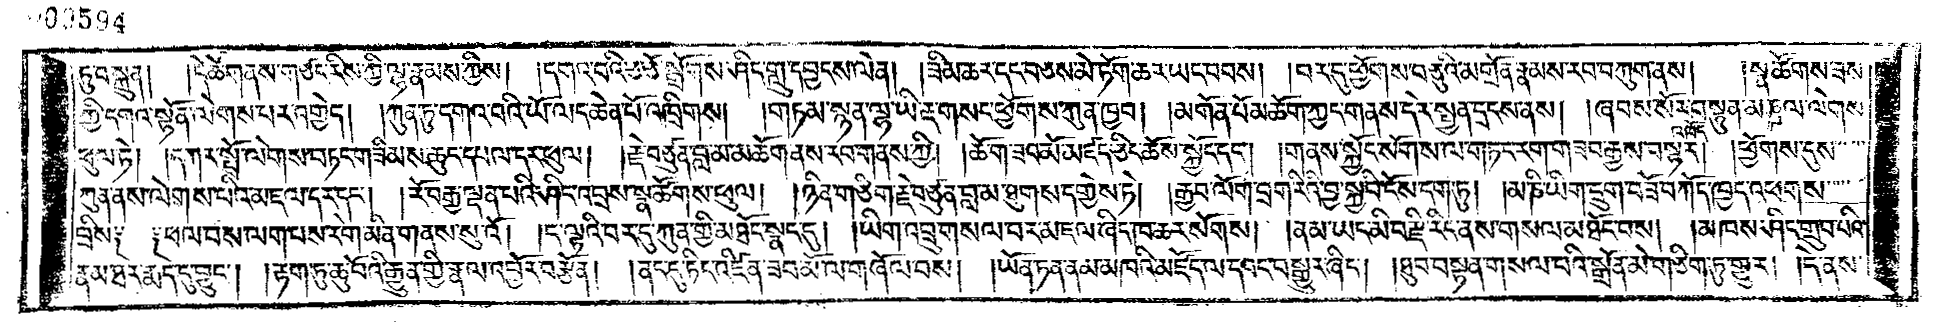ཏུ་བསྐྲུན། །དེ་ཚེ་གནས་གཙང་རིས་ཀྱི་ལྷ་རྣམས་ཀྱིས། །དགའ་བའི་ཅ་ཅོ་སྒྲོགས་ཤིང་གླུ་དབྱངས་ལེན། །ཟིམ་ཆར་དང་བཅས་མེ་ཏོག་ཆར་ཡང་བབས། །བར་དུ་ཕྱོགས་བཅུའི་མགྲོན་རྣམས་རབ་བཀུག་ནས། །སྣ་ཚོགས་ཟས་
ཀྱི་དགའ་སྟོན་ལེགས་པར་འགྱེད། །ཀུན་ཏུ་དགའ་བའི་ཡོ་ལང་ཆེན་པོ་འཁྲིགས། །གཏམ་སྙན་ལྷ་ཡི་རྔ་གསང་ཕྱོགས་ཀུན་ཁྱབ། །མགོན་པོ་མཆོག་ཀྱང་གནས་དེར་སྤྱན་དྲངས་ནས། །ཞབས་སོར་འཁོད་བསྟུན་མཎྜལ་ལེགས་
ཕུལ་ཏེ། །དཀར་སྤྲོ་ལེགས་བཏང་གཟིམས་ཆུང་དཔལ་དར་ཕུལ། །རྗེ་བཙུན་བླ་མ་མཆོག་ནས་རབ་གནས་ཀྱི། །ཆོ་ག་ཟབ་མོ་མཛད་ཅིང་ཆོས་སྐྱོང་དང་། །གནས་སྐྱོང་སོགས་ལ་གཏང་རག་གཟབ་རྒྱས་བསྟར། །ཕྱོགས་དུས་
ཀུན་ནས་ལེགས་པའི་མཇལ་དར་དང་། །རོ་བརྒྱ་ལྡན་པའི་ཤིང་འབྲས་སྣ་ཚོགས་ཕུལ། །ཉིན་གཅིག་རྗེ་བཙུན་བླ་མ་ཐུགས་དགྱེས་ཏེ། །རྒྱབ་ལོག་བྲག་རིའི་བྱ་སྐྱིབ་ངོས་དག་ཏུ། །མ་ཎི་ཡིག་དྲུག་བཟོ་བཀོད་ཁྱད་འཕགས་
བྲིས༑ ༑ཕལ་བས་ལག་པས་རེག་མིན་གནས་སུ་འོ། །ད་ལྟའི་བར་དུ་ཀུན་གྱི་མཐོང་སྣང་དུ། །ཡིག་འབྲུ་གསལ་བར་མཇལ་ཞིང་ཁ་ཆར་སོགས། །ནམ་ཡང་མི་བརྫི་རིང་ནས་གསལ་མཐོང་བས། །མཁས་ཤིང་གྲུབ་པའི་
རྣམ་ཐར་རྨད་དུ་བྱུང་། །རྟག་ཏུ་ཆུ་བོའི་རྒྱུན་གྱི་རྣལ་འབྱོར་བརྩོན། །ནང་དུ་ཏིང་འཛིན་ཟབ་མོ་ལ་གཞོལ་བས། །ཡོན་ཏན་ནམ་མཁའི་མཛོད་ལ་དབང་བསྒྱུར་ཞིང་། །ཐུབ་བསྟན་གསལ་བའི་སྒྲོན་མེ་གཅིག་ཏུ་གྱུར། །དེ་ནས་